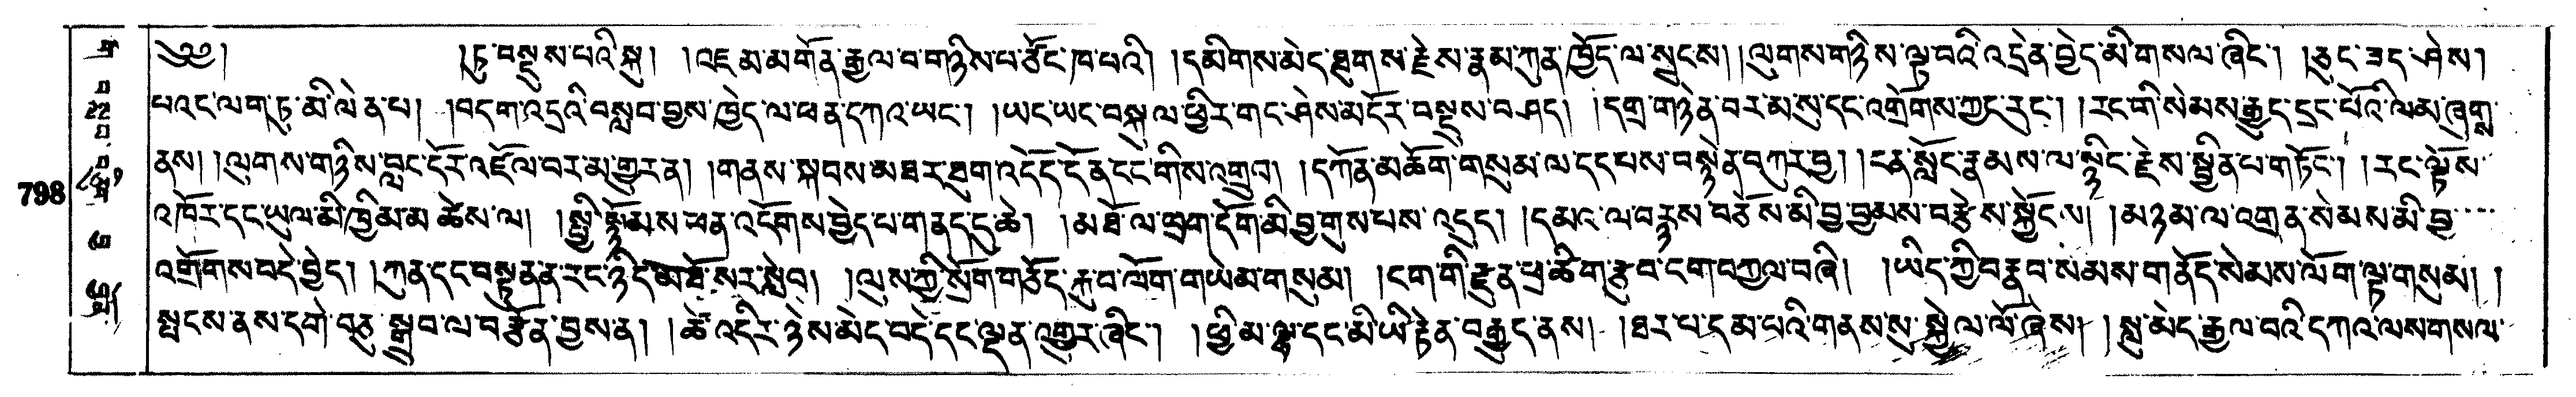༄༅། །ཏུ་བསྡུས་པའི་སྐུ། །འཇམ་མགོན་རྒྱལ་བ་གཉིས་པ་ཙོང་ཁ་པའི། །དམིགས་མེད་ཐུགས་རྗེས་རྣམ་ཀུན་ཁྱོད་ལ་སྲུངས། །ལུགས་གཉིས་ལྟ་བའི་འདྲེན་བྱེད་མི་གསལ་ཞིང་། །ཅུང་ཟད་ཤེས།
པའང་ལག་ཏུ་མི་ལེན་པ། །བདག་འདྲའི་བསླབ་བྱས་ཁྱེད་ལ་ཕན་དཀའ་ཡང་། །ཡང་ཡང་བསྐུལ་ཕྱིར་གང་ཤེས་མངོར་བསྡུས་བཤད། །དགྲ་གཉེན་བར་མ་སུ་དང་འགྲོགས་ཀྱང་རུང་། །རང་གི་སེམས་རྒྱུད་དྲང་པོའི་ལམ་ཞུགས་
ནས། །ལུགས་གཉིས་བླང་དོར་འཛོལ་བར་མ་གྱུར་ན། །གནས་སྐབས་མཐར་ཐུག་འདོད་དོན་ངང་གིས་འགྲུབ། །དཀོན་མཆོག་གསུམ་ལ་དད་པས་བསྙེན་བཀུར་བྱ། །ངན་སློང་རྣམས་ལ་སྙིང་རྗེས་སྦྱིན་པ་གཏོང་། །རང་ལྟོས་
འཁོར་དང་ཡུལ་མི་ཁྱིམ་མཚེས་ལ། །སྤྱི་སྙོམས་ཕན་འདོགས་བྱེད་པ་གནད་དུ་ཆེ། །མཐོ་ལ་ཕྲག་དོག་མི་བྱ་གུས་པས་འདུད། །དམའ་ལ་བརྙས་བཅོས་མི་བྱ་བྱམས་བརྩེས་སྐྱོངས། །མཉམ་ལ་འགྲན་སེམས་མི་བྱ་
འགྲོགས་བདེ་བྱེད། །ཀུན་དང་བསྟུན་ན་རང་ཉིད་མཐོ་སར་སླེབ། །ལུས་ཀྱི་སྲོག་གཅོད་རྐུ་བ་ལོག་གཡེམ་གསུམ། །ངག་གི་རྫུན་ཕྲ་ཚིག་རྩུབ་ངག་བཀྱལ་བཞི། །ཡིད་ཀྱི་བརྣབ་སེམས་གནོད་སེམས་ལོག་ལྟ་གསུམ།།
སྤངས་ནས་དགེ་བཅུ་སྒྲུབ་ལ་བརྩོན་བྱས་ན། །ཚེ་འདིར་ཉེས་མེད་བདེ་དང་ལྡན་འགྱུར་ཞིང་། །ཕྱི་མ་ལྷ་དང་མི་ཡི་རྟེན་བརྒྱུད་ནས། །ཐར་པ་དམ་པའི་གནས་སུ་སྐྱེལ་ལོ་ཞེས། །སླུ་མེད་རྒྱལ་བའི་དཀའ་ལས་གསལ་